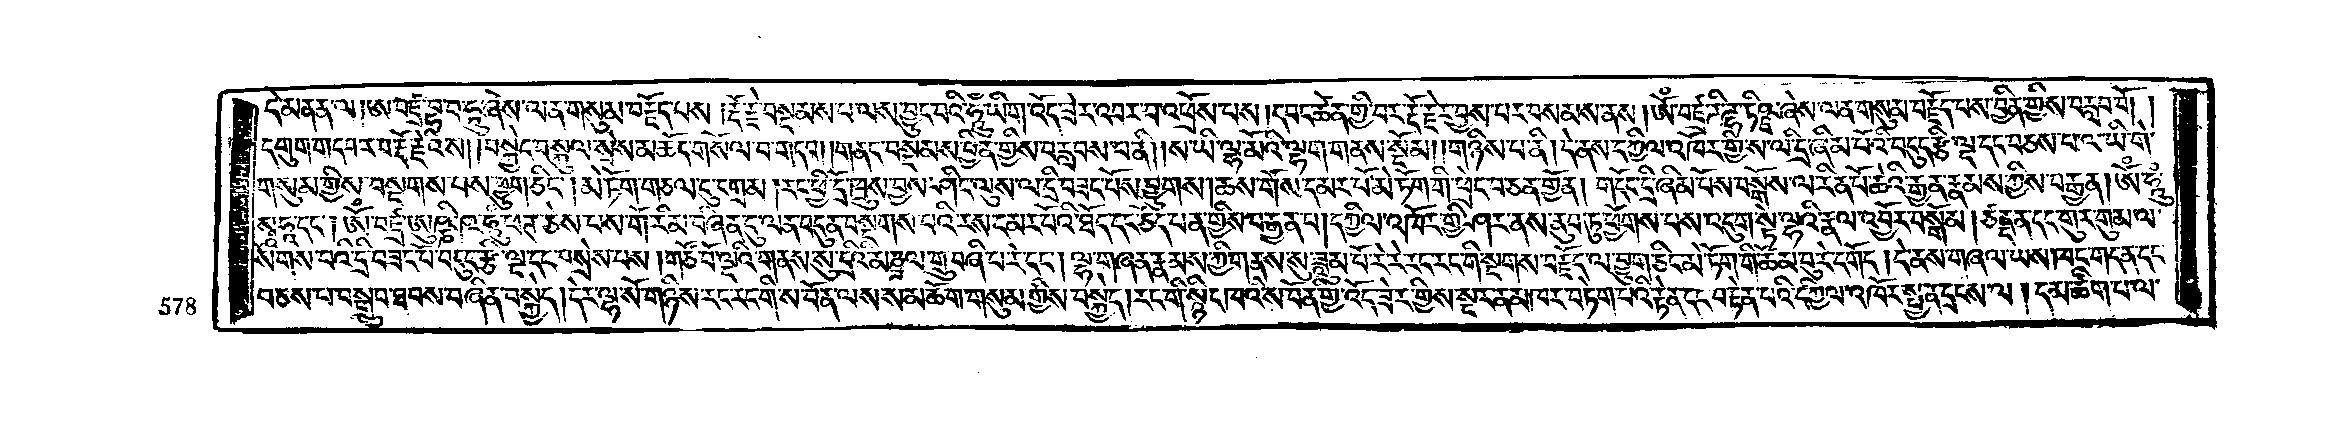དེ་མནན་ལ། ཨོཾ་བཛྲི་བྷ་བ་ཧཱུཾ་ཞེས་ལན་གསུམ་བརྗོད་པས། རྡོ་རྗེ་བསྡམས་པ་ལས་བྱུང་བའི་ཧཱུཾ་ཡིག་འོད་ཟེར་འབར་བ་འཕྲོས་པས། དབང་ཆེན་གྱི་བར་རྡོ་རྗེར་བྱས་པར་བསམས་ནས། ཨོཾ་བཛྲ་ཌི་ཌྷ་ཏིཥཊཿཨ་ཞེས་ལན་གསུམ་བརྗོད་པས་བྱིན་གྱིས་བརླབ་བོ། །
དགུག་གདབ་ར་བ་རྡོ་རྗེའི་ས། །བསྐྱེད་བསྐུལ་སྲེས་མཆོད་གསོལ་བ་གདབ། །གནད་བསྡམས་བྱིན་གྱིས་བརླབས་པ་ནི། །ས་ཡི་ལྷ་མོའི་ལྷག་གནས་སྡོམ། །གཉིས་པ་ནི། དེ་ནས་དཀྱིལ་འཁོར་གྱི་ས་ལ་དྲི་ཞིམ་པོའི་བདུད་རྩི་ལྔ་དང་བཅས་པ་ལ་ཡི་གེ་
གསུམ་གྱིས་བསྔགས་པས་བྱུག་ཅིང་། མེ་ཏོག་གཅལ་དུ་དགྲམ། རང་ཕྱི་དྲོ་ཁྲུས་བྱས་ཤིང་ལུས་ལ་དྲི་བཟང་པོས་བྱུགས། ཆས་གོས་དམར་པོ་མེ་ཏོག་གི་ཕྲེང་བ་ཅན་གྱོན། གདོང་དྲི་ཞིམ་པོས་བསྒོས་ལ་རིན་པོ་ཆེའི་རྒྱན་རྣམས་ཀྱིས་བརྒྱན། ཨོཾ་ཧཱུཾ་
སྭཱ་ཧཱ་དང་། ཨོཾ་བཛྲ་ཨུཥྞི་ཥ་ཧཱུཾ་ཕཊ་ཅེས་པས་གོ་རིམ་བཞིན་དུ་ལན་བདུན་བསྔགས་པའི་རས་དམར་པོའི་ཐོད་དང་ཅོད་པན་གྱིས་བརྒྱན་པ། དཀྱིལ་འཁོར་གྱི་ཤར་ནས་ནུབ་ཏུ་ཕྱོགས་པས་འདུག་སྟེ་ལྷའི་རྣལ་འབྱོར་བསྒོམ། ཙནྡན་དང་གུར་གུམ་ལ་
སོགས་པའི་དྲི་བཟང་པོ་བདུད་རྩི་ལྔ་དང་བསྲེས་པས། གཙོ་བོ་ལྔའི་གནས་སུ་དྲིའི་མཎྜལ་གྲུ་བཞི་པ་རེ་དང་། ལྷ་གཞན་རྣམས་ཀྱི་གནས་སུ་ཟླུམ་པོ་རེ་རེ་རང་རང་གི་སྔགས་བརྗོད་ལ་བྱུག་ཅིང་མེ་ཏོག་གི་ཚོམ་བུ་རེ་དགོད། དེ་ནས་གཞལ་ཡས་ཁང་གདན་དང་
བཅས་པ་བསྒྲུབ་ཐབས་བཞིན་བསྐྱེད། དེར་ལྷ་སོ་གཉིས་རང་རང་གི་ས་བོན་ལས་སམ་ཆོ་ག་གསུམ་གྱིས་བསྐྱེད། རང་གི་སྙིང་ཁའི་ས་བོན་གྱི་འོད་ཟེར་གྱིས་སྔར་ནམ་མཁར་བཏེག་པའི་རྟེན་དང་བརྟེན་པའི་དཀྱིལ་འཁོར་སྤྱན་དྲངས་ལ། དམ་ཚིག་པ་ལ་